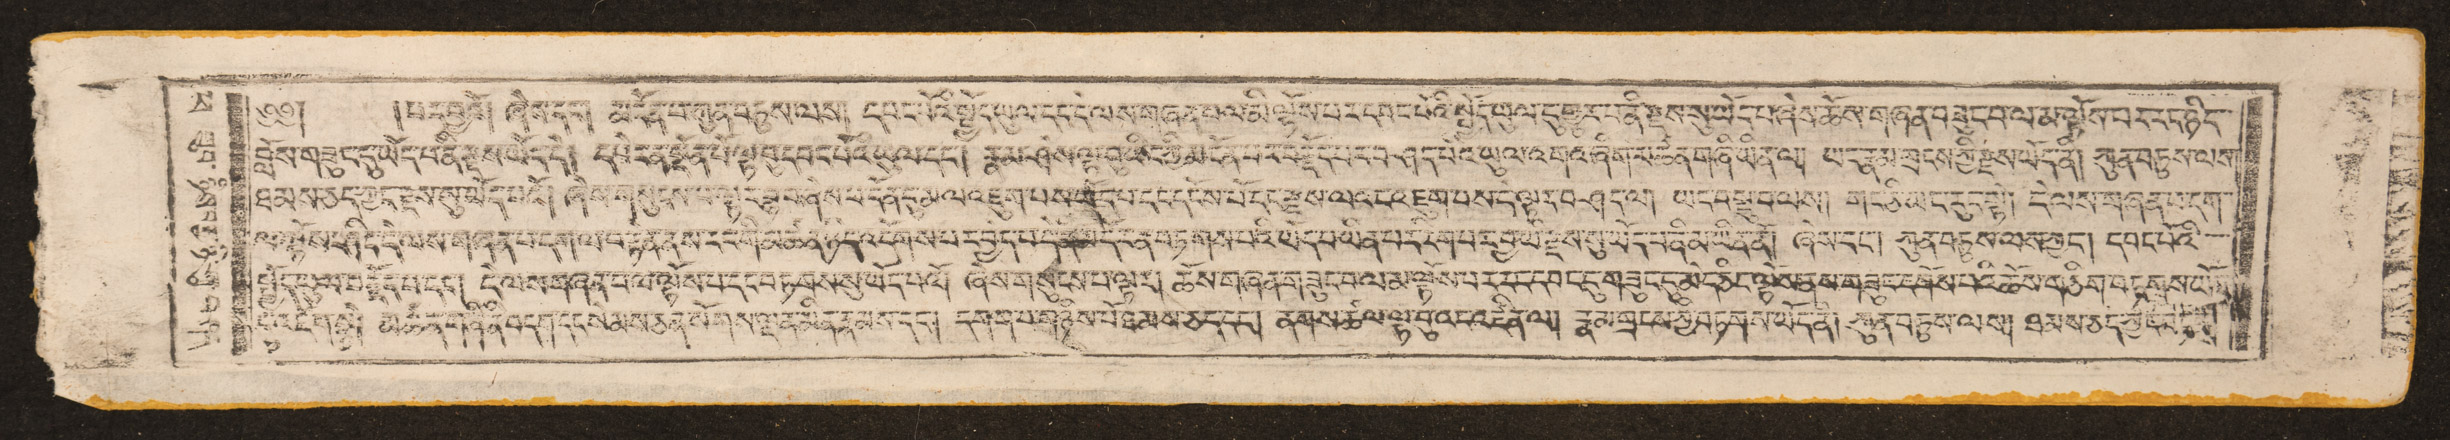༄༅། །བར་བྱའོ། ཞེས་དང་། མངོན་པ་ཀུན་བཏུས་ལས། དབང་པོའི་སྤྱོད་ཡུལ་དང་དེ་ལས་གཞན་པ་ལ་མི་ལྟོས་པར་དབང་པོའི་སྤྱོད་ཡུལ་དུ་གྱུར་བ་ནི་རྫས་སུ་ཡོད་པ་ཞེས་ཆོས་གཞན་བཟུང་བ་ལ་མ་ལྟོས་པར་རང་ཉིད་
བློས་གཟུང་དུ་ཡོད་པ་ནི་རྫས་ཡོད་དེ། དཔེར་ན་སྔོན་པོ་ལྟ་བུ་དབང་པོའི་ཡུལ་དང་། རྣམ་ཤེས་ལྟ་བུ་ཡིད་ཀྱི་མངོན་པར་བརྗོད་པར་བཤད་པའི་ཡུལ་འགའ་ཞིག་མཚན་གཞི་ཡིན་ལ། ཡང་རྣམ་གྲངས་ཀྱི་རྫས་ཡོད་ནི། ཀུན་བཏུས་ལས་
ཐམས་ཅད་ཀྱང་རྫས་སུ་ཡོད་པའོ། ཞེས་གསུངས་པ་ལྟར་བྷ་བཞེས་པ་དོན་དུ་མ་ལ་འཇུག་པས་ཡོད་པ་དང་དངོས་པོ་དང་རྫས་ལ་འང་འཇུག་པས་དེ་ལྟར་བཤད་ལ། ཡང་བསྡུ་བ་ལས། གང་ཅི་ཡང་རུང་སྟེ། དེ་ལས་གཞན་པ་དག་
ལ་ལྟོས་ཤིང་དེ་ལས་གཞན་པ་དག་ལ་བརྟེན་ནས་རང་གི་མཚན་ཉིད་འདོགས་པར་བྱེད་པ་དེ་ནི་མདོར་ན་བཏགས་པའི་ཡོད་པ་ཡིན་པར་རིག་པར་བྱ་ཡ་རྗེས་སུ་ཡོད་པ་ནི་མ་ཡིན་ནོ། ཞེས་དང་། ཀུན་བཏུས་ལས་ཀྱང་། དབང་པོའི་
སྤྱོད་ཡུལ་བརྗོད་པ་དང་། དེ་ལས་གཞན་པ་ལ་ལྟོས་བ་དང་བཏགས་སུ་ཡོད་པའོ། ཞེས་གསུངས་པ་ལྟར། ཆོས་གཞན་གཟུང་བ་ལ་མ་ལྟོས་པར་རང་དབང་དུ་གཟུང་དུ་མེད་ཅིང་ལྟོས་ནས་གཟུང་དགོས་པའི་ཆོས་གཅིག་བཏགས་ཡོད་
དུ་འཇོག་སྟེ། མཚན་གཞི་ནི་བདག་དང་སེམས་ཅན་སོགས་ལྡན་མིན་རྣམས་དང་། དགག་པ་གཉིས་པོ་ཐམས་ཅད་དང་། ནགས་ཚལ་ལྟ་བུ་འང་འཛིན་ལ། རྣམ་གྲངས་ཀྱི་བཏགས་ཡོད་ནི། ཀུན་བཏུས་ལས། ཐམས་ཅད་ཀྱང་བཏགས་